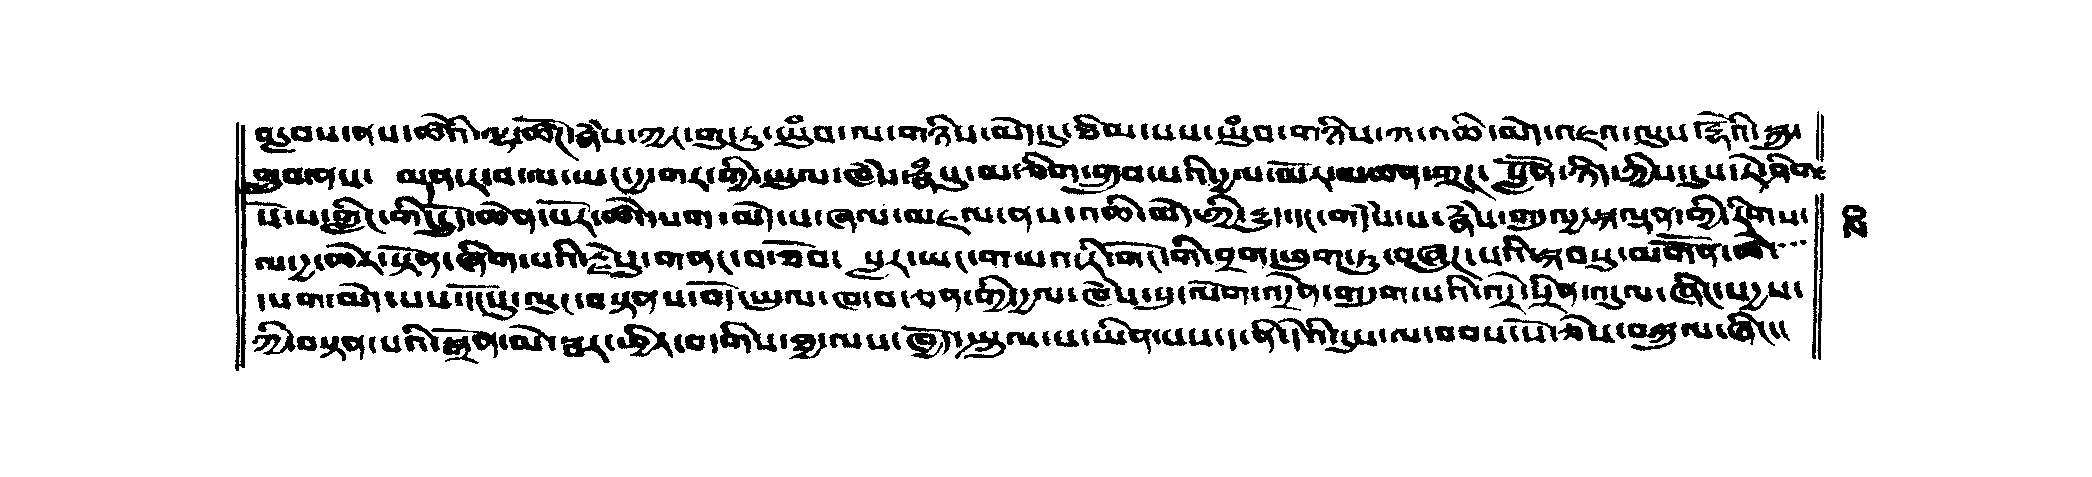བརླབས་ནས་ཚེའི་ལྷ་ཚོགས་རྣམས་ཀྱང་གུ་རུ་ཡབ་ཡུམ་ལ་གཉིས་མེད་དུ་ཐིམ་པས་ཡབ་ཡུམ་གཉིས་ཀ་འཆི་མེད་འཇའ་ལུས་རྡོ་རྗེའི་སྐུ་
གྲུབ་ནས། མནྡ་ར་བ་ལ་ཡང་རྒྱ་གར་གྱི་ཡུལ་ཁམས་རྣམས་སུ་མ་ཅིག་གྲུབ་པའི་རྒྱལ་མོར་མཚན་གྲགས། སློབ་དཔོན་ཉིད་ཀྱིས་དུས་ཏེ་ཤིག་
པོ་ས་གླིང་གི་དུར་ཁྲོད་ཆེན་པོར་ཚེ་དཔག་མེད་པ་ཞལ་མཇལ་ནས་འཆི་མེད་ཀྱི་རྒྱུད་དག་གདམས་པ་རྣམས་གདུལ་བྱ་སྐལ་ལྡན་གྱི་རིགས་
ལ་རྒྱ་ཆེར་སྟོན་ཞིག་པའི་རྗེས་སུ་གནང་བ་ཐོབ།སླར་ཡང་གཡའ་རི་གོང་གི་བྲག་ཕུག་ཏུ་བཞུགས་པའི་སྐབས་སུ་མགོན་པོ་ཚེ་
དཔག་མེད་པས་དངོས་སུ་ལུང་བསྟན་ནས་བོད་ཡུལ་ཁ་བ་ཅན་གྱི་རྒྱལ་ཁམས་སུ་ལོག་འདྲེན་གདུག་པའི་འདྲེ་སྲིན་འདུལ་ཞིང་སངས་རྒྱས་
ཀྱི་བསྟན་པའི་སྒྲོན་མེ་སྦར་ཕྱིར་བདག་གིས་ཐུགས་ལས་ཁྱོད་སྤྲུལ་པ་ཡིན་པས་ད་ནི་དེའི་དུས་ལ་བབས་པོ་ཅེས་བསྐུལ་ཞིང་།